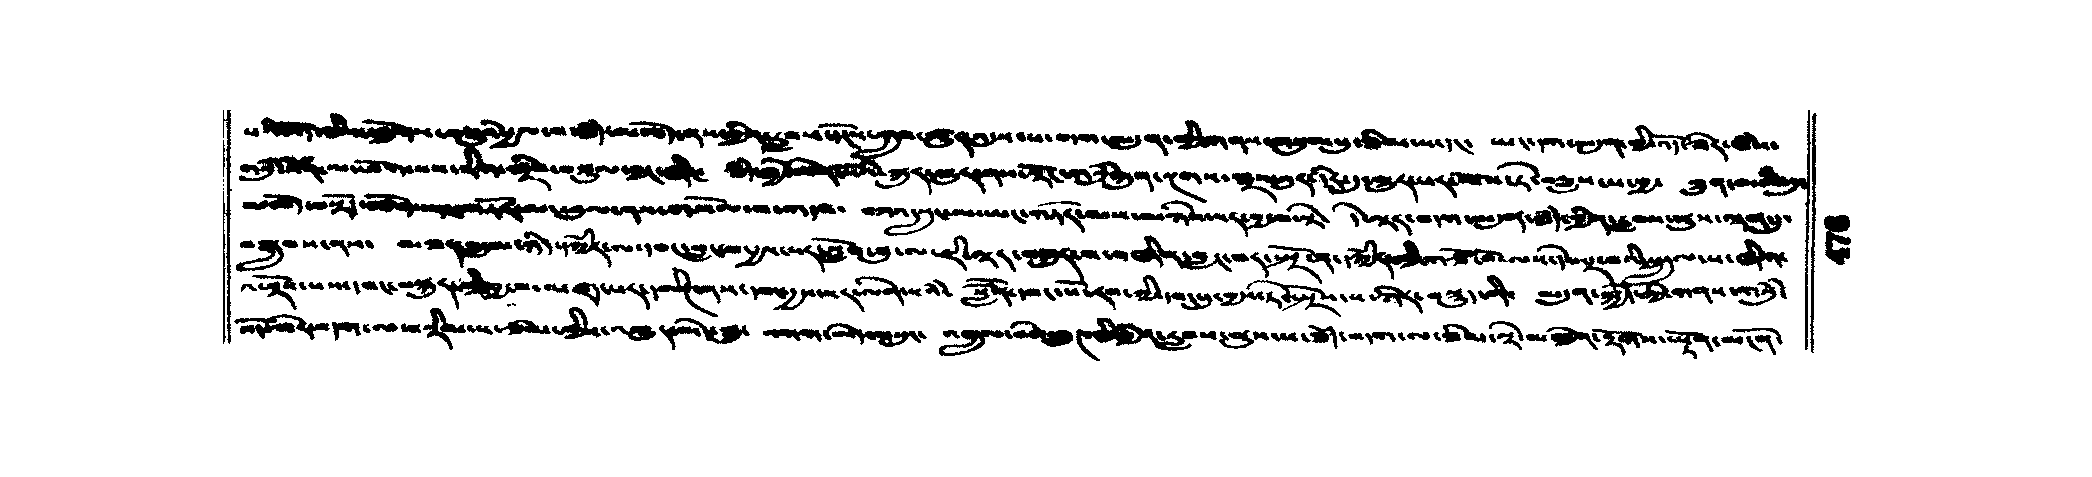པའི་འོད་ཀྱིས་ཕྱོགས་བཅུའི་རྒྱལ་བ་ཐམས་ཅད་མཆོད་ནས་བྱིན་རླབས་དངོས་གྲུབ་ཚུར་འདུས་པ་བདག་མདུན་གྱི་གནས་གསུམ་དུ་ཐིམ་པ་དང་། ཡང་བདག་མདུན་གྱི་འོད་ཟེར་ཁམས་
གསུམ་སེམས་ཅན་ལ་ཕོག་པས་སྡིག་སྒྲིབ་མ་ལུས་སྦྱང་ཞིང་། ཐམས་ཅད་ཐུགས་རྗེ་ཆེན་པོའི་སྐུར་གྱུར་ནས་སྟོང་གསུམ་ཀུན་སྔགས་སྒྲས་འུར་དིར་དུ་གྱུར་པར་མོས་ཏེ་བཟླས་པ་བྱ། ཐུན་མཚམས་སུ་
མཆོད་བསྟོད་ཆོགས་པ་དང་གཏོར་མ་ཕུལ་ནས་གསོལ་བ་གདབ། བཀའ་སྲུང་ལ་ཡང་གཏོར་མས་མཉེས་པར་བྱ་བ་སྟེ། དེ་ལྟར་བདག་མདུན་ཐམས་ཅད་བྱིན་རླབས་ནུས་ལྡན་དུ་
བསྒྲུབས་ནས། མཐར་བླ་མ་ཉིད་དཀྱིལ་འཁོར་ལ་དབང་བླང་བ་རྒྱས་པར་སློབ་བུ་ལ་ཇི་ལྟར་བསྐུར་བ་བཞིན་སླང་བར་སྤྲོ་ན། དཀྱིལ་འཁོར་གྱི་གཙོ་བོ་ལས་དེ་འདྲ་བའི་སྤྲུལ་བ་ཞིག་
འཕྲོས་པས་དབང་བསྐུར་གྱི་བྱ་བ་མཛད་པར་དམིགས་ནས་དབང་རྒྱས་པར་ལེན་པའམ། སློབ་དཔོན་དབང་པོ་རབ་གྱི་དབང་དུ་བྱས་ཏེ་སྤྲོས་པ་ཉེར་བསྡུད་ནི། མདུན་བསྐྱེད་ཀྱི་གནས་གསུམ་
གྱི་འོད་ཟེར་བདག་ལ་བསྟིམ་པ་ཙམ་གྱིས་འགྱུར་མེད་སྐུ། འགག་མེད་གསུང་། འཁྲུལ་མེད་ཐུགས་ཀྱི་བྱིན་རླབས་ནུས་པ་ཐམས་ཅད་བདག་ལ་ཐིམ་སྟེ་མཁྱེན་རྟོགས་ཡོན་ཏན་མངོན་